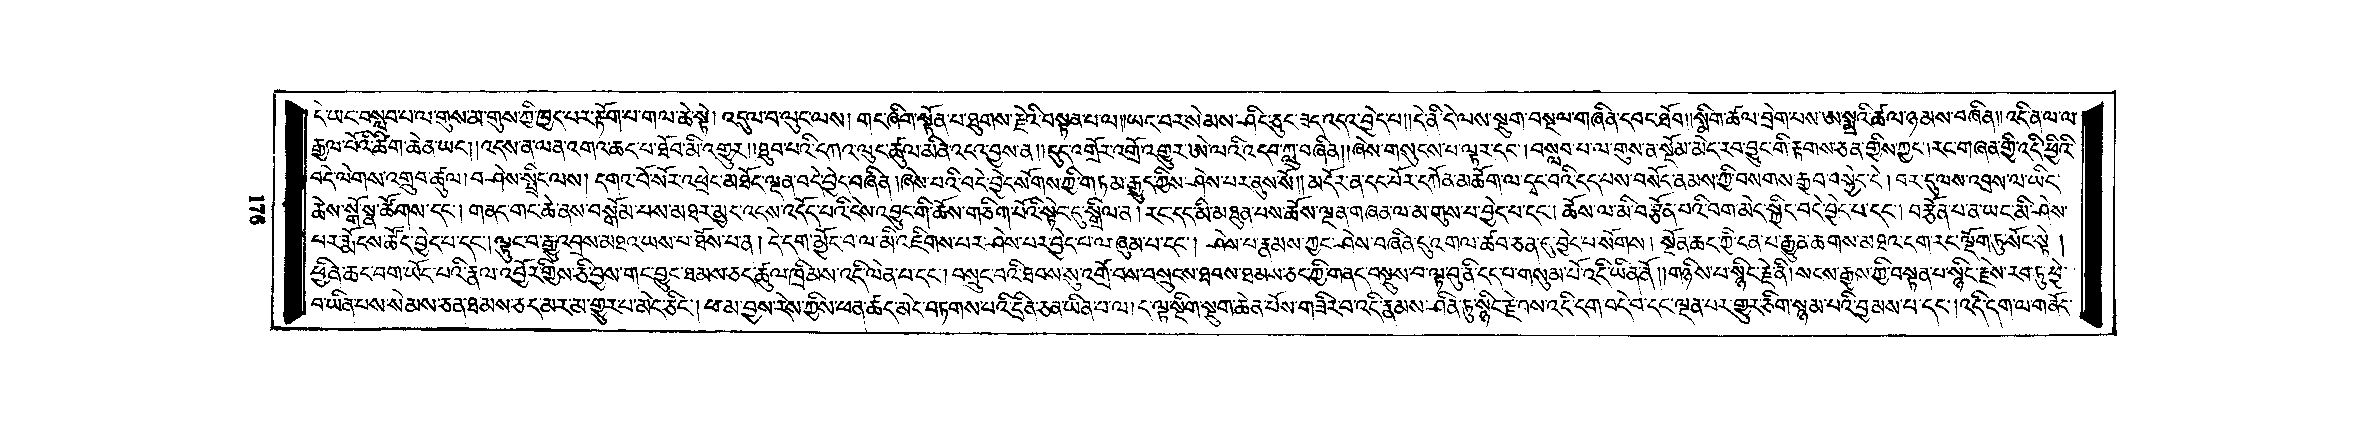དེ་ཡང་བསླབ་པ་ལ་གུས་མ་གུས་ཀྱི་ཁྱད་པར་རྟོག་པ་གལ་ཆེ་སྟེ། འདུལ་བ་ལུང་ལས། གང་ཞིག་སྟོན་པ་ཐུགས་རྗེའི་བསྟན་པ་ལ། །ཡང་བར་སེམས་ཤིང་ཅུང་ཟད་འདའ་བྱེད་པ། །དེ་ནི་དེ་ལས་སྡུག་བསྔལ་གཞིན་དབང་ཐོབ། །སྨིག་ཚལ་བྲེག་པས་ཨ་སྨྲའི་ཚལ་ཉམས་བཞིན། །འདི་ན་ལ་ལ་
རྒྱལ་པོའི་ཚིག་ཆེན་ཡང་། །འདས་ན་ལན་འགའ་ཆད་པ་ཐོབ་མི་འགྱུར། །ཐུབ་པའི་དཀའ་ལུང་ཚུལ་མིན་འདའ་བྱས་ན། །དུད་འགྲོར་འགྲོ་འགྱུར་ཨེ་ལའི་འདབ་ཀླུ་བཞིན། །ཞེས་གསུངས་པ་ལྟར་དང་། བསླབ་པ་ལ་གུས་ན་སྡོམ་མེད་རབ་བྱུང་གི་རྟགས་ཅན་གྱིས་ཀྱང་། རང་གཞན་གྱི་འདི་ཕྱིའི་
བདེ་ལེགས་འགྲུབ་ཚུལ། བཤེས་སྤྲིང་ལས། དགའ་བོ་སོར་འཕྲེང་མཐོང་ལྡན་བདེ་བྱེད་བཞིན། ཞེས་པའི་བདེ་བྱེད་སོགས་ཀྱི་གཏམ་རྒྱུད་ཀྱིས་ཤེས་པར་ནུས་སོ། །མདོར་ན་དང་པོར་དཀོན་མཆོག་ལ་དྭང་བའི་དད་པས་བསོད་ནམས་ཀྱི་བསགས་རྒྱབ་བསྐྱེད་དེ། བར་དུ་ལས་འབྲས་ལ་ཡིད་
ཆེས་སྒོ་སྣ་ཚོགས་དང་། གནད་གང་ཆེ་ནས་བསྒོམ་པས་མཐར་མྱང་འདས་འདོད་པའི་ངེས་འབྱུང་གི་ཆོས་གཅིག་པོའི་སྟེང་དུ་སྒྲིལ་ན། རང་དང་མི་མཐུན་པས་ཆོས་ལྡན་གཞན་ལ་མ་གུས་པ་བྱེད་པ་དང་། ཆོས་ལ་མི་བརྩོན་པའི་བག་མེད་སྐྱིད་བདེ་བྱེད་པ་དང་། བརྩོན་པ་ན་ཡང་མི་ཤེས་
པར་རྨོངས་ཚོད་བྱེད་པ་དང་། ལྟུང་བ་རྒྱུ་འབྲས་མཐའ་ཡས་པ་ཐོས་པ་ན། དེ་དག་མྱོང་བ་ལ་མི་འཇིགས་པར་ཤེས་པར་བྱེད་པ་ལ་ཞུམ་པ་དང་། ཤེས་པ་རྣམས་ཀྱང་ཤེས་བཞིན་དུ་འགལ་ཚབ་ཅན་དུ་བྱེད་པ་སོགས། སྔོན་ཆད་ཀྱི་ངན་པ་རྒྱུན་ཆགས་མཐའ་དག་རང་ལྡོག་ཏུ་སོང་སྟེ།
ཕྱིན་ཆད་བག་ཡོད་པའི་རྣལ་འབྱོར་གྱིས་ཅི་བྱས་གང་བྱུང་ཐམས་ཅད་ཚུལ་ཁྲིམས་འདི་ལེན་པ་དང་། བསྲུང་བའི་ཐབས་སུ་འགྲོ་བས་བསྲུངས་ཐབས་ཐམས་ཅད་ཀྱི་གནད་བསྡུས་བ་ལྟ་བུ་ནི་དད་པ་གསུམ་པོ་འདི་ཡིན་ནོ། །གཉིས་པ་སྙིང་རྗེ་ནི། སངས་རྒྱས་ཀྱི་བསྟན་པ་སྙིང་རྗེས་རབ་ཏུ་ཕྱེ་
བ་ཡིན་པས་སེམས་ཅན་ཐམས་ཅད་མར་མ་གྱུར་པ་མེད་ཅིང་། ཕ་མ་བྱས་རེས་ཀྱིས་ཕན་ཚད་མེད་བཏགས་པའི་དྲིན་ཅན་ཡིན་པ་ལ། ད་ལྟ་སྡིག་སྡུག་ཆེན་པོས་གཟིར་བ་འདི་རྣམས་ཤིན་ཏུ་སྙིང་རྗེ་བས་འདི་དག་བདེ་བ་དང་ལྡན་པར་གྱུར་ཅིག་སྙམ་པའི་བྱམས་པ་དང་། འདི་དག་ལ་གནོད་